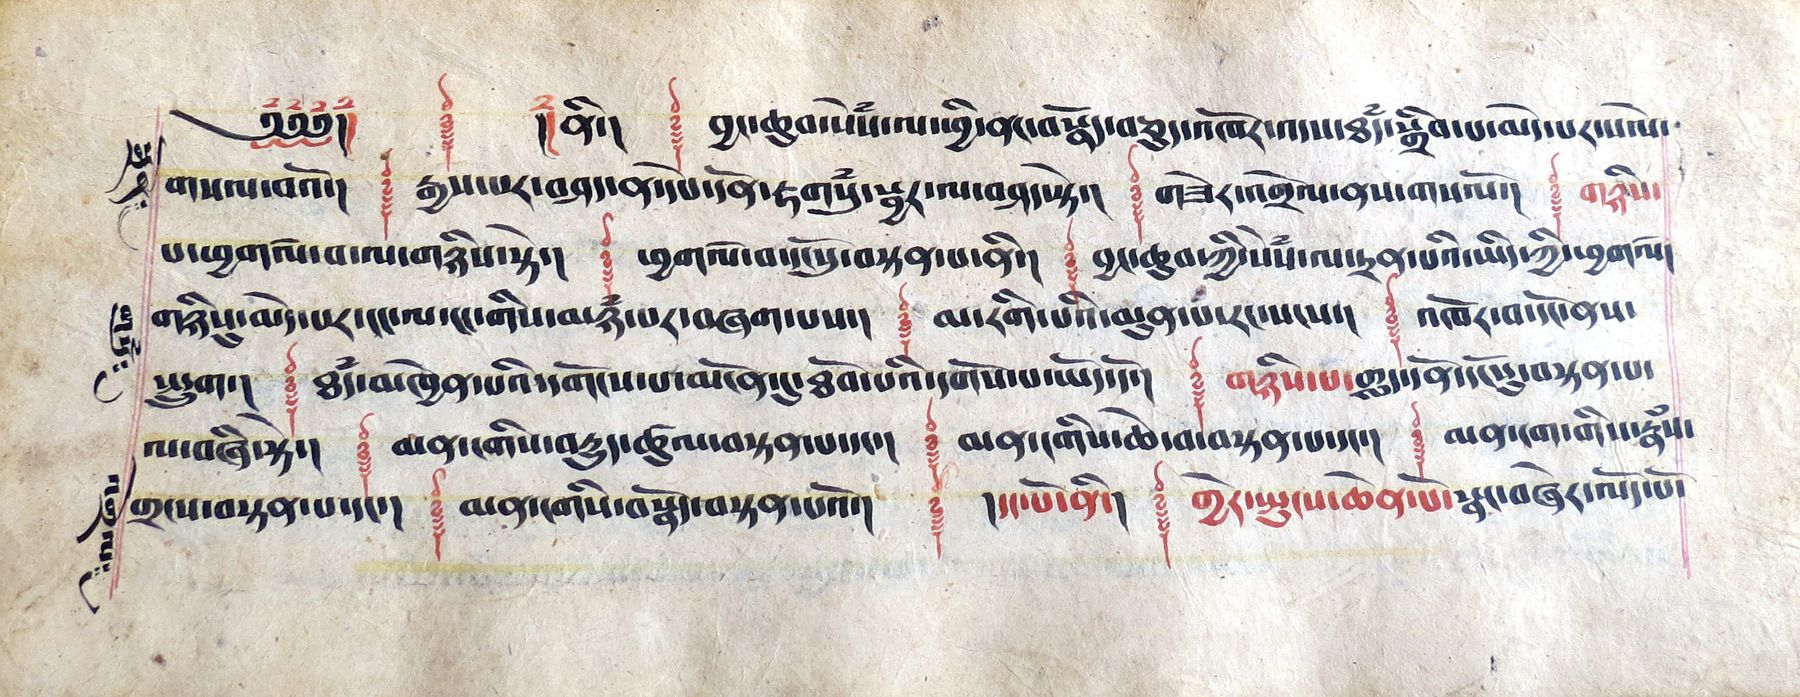ནི། བྱང་ཆུབ་སེམས་ལ་ཕྱི་ནང་སྣོད་བཅུད་འཁོར་འདས་ཐམས་ཅད་སྒྲིབ་པ་མེད་པར་སལེ་
གསལ་བའོ། །རྒྱས་པར་བཤད་ན་དཔེ་དོན་རྟགས་གསུམ་སྦྱར་ལ་བཤད་དེ། གཟེར་བུའི་འགྲེལ་ན་གསལ་ལོ། །གཉིས་
པ་ཕྱག་འཚལ་བ་ལ་གཉིས་ཏེ། ཕྱག་འཚལ་བ་དངོས་སུ་བསྟན་པ་ནི། བྱང་ཆུབ་ཀྱི་སེམས་ལ་དྲན་པའི་ཡིད་ཀྱིས་ཕྱག་འཚལ། 
གཉིས་སུ་མེད་པར་ངང་ལ་ངང་གིས་མཉམ་པར་བཞག་པས། མ་རིག་པའི་མུན་པ་རང་སངས། འཁོར་བ་དོང་ནས་
སྤྲུགས། ཐམས་ཅད་མཁྱེན་པའི་དགོངས་པ་མངོན་དུ་ཐོབ་པའི་དགོས་པ་ཡོད་དོ། ། གཉིས་པ་ཀླད་དོན་དངོས་སུ་བསྟན་པ་
ལ་བཞི་སྟེ། མན་ངག་གི་རྒྱུད་ཚུལ་བསྟན་པ་དང་། མན་ངག་གི་ཆེ་བ་བསྟན་པ་དང་། མན་ངག་གི་རྣམ་
གྲངས་བསྟན་པ་དང་། མན་ངག་གི་སྣོད་བསྟན་པའོ། །དང་པོ་ནི། གྱེར་སྤུངས་ཆེན་པོ་སྣང་བཞེར་ལོད་པོ་